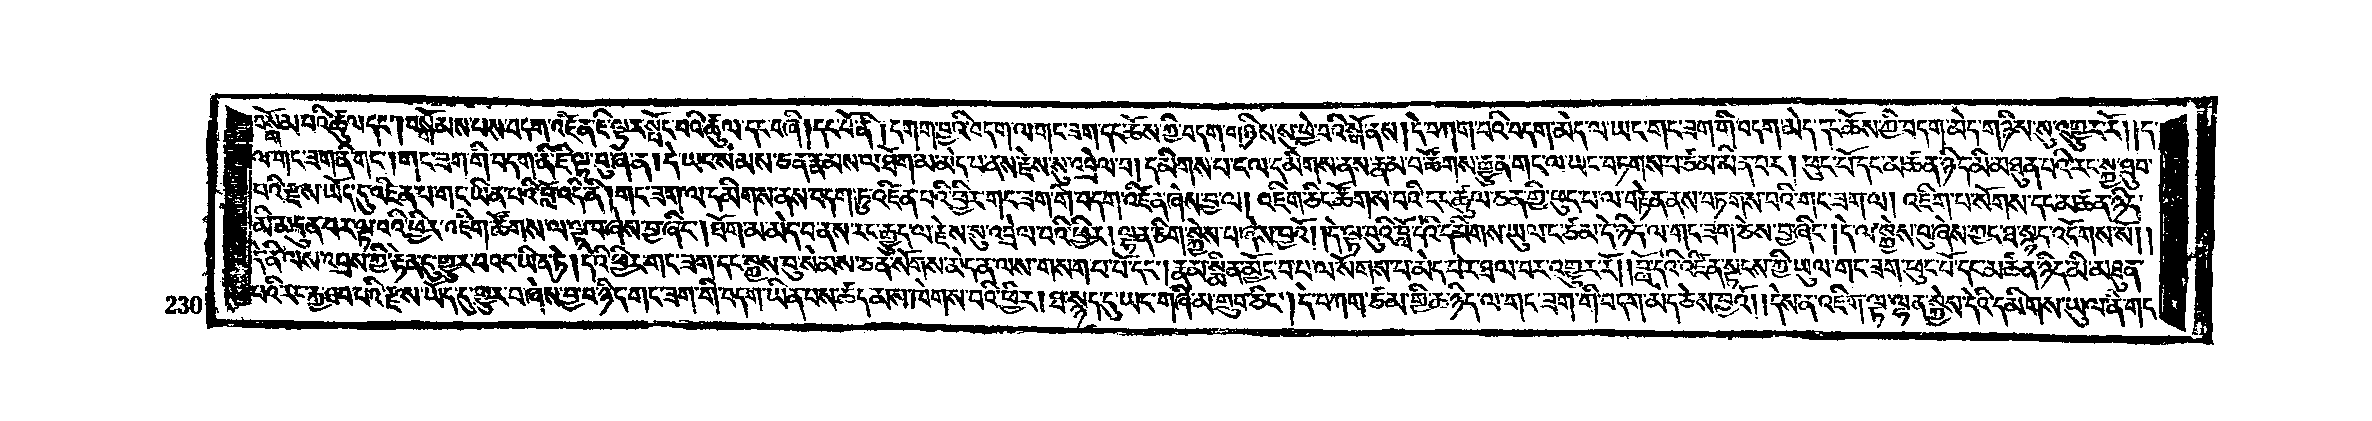བསྒོམ་པའི་ཚུལ་དང་། བསྒོམས་པས་བདག་འཛིན་ཇི་ལྟར་སྤོང་བའི་ཚུལ་དང་བཞི། དང་པོ་ནི། དགག་བྱའི་བདག་ལ་གང་ཟག་དང་ཆོས་ཀྱི་བདག་གཉིས་སུ་ཕྱེ་བའི་སྒོ་ནས། དེ་བཀག་པའི་བདག་མེད་ལ་ཡང་གང་ཟག་གི་བདག་མེད་དང་ཆོས་ཀྱི་བདག་མེད་གཉིས་སུ་འགྱུར་རོ། །དེ་
ལ་གང་ཟག་ནི་གང་། གང་ཟག་གི་བདག་ནི་ཇི་ལྟ་བུ་ཞེ་ན། དེ་ཡང་སེམས་ཅན་རྣམས་ལ་ཐེག་མ་མེད་པ་ནས་རྗེས་སུ་འབྲེལ་བ། དམིགས་པ་ངལ་དམིགས་ནས་རྣམ་པ་ཚོགས་རྒྱུན་གང་ལ་ཡང་བཏགས་པ་ཙམ་མིན་པར། ཕུང་པོ་དང་མཚན་ཉིད་མི་མཐུན་པའི་རང་སྐྱ་ཐུབ་
པའི་རྫས་ཡོད་དུ་འཛིན་པ་གང་ཡིན་པའི་བློ་འདི་ནི། གང་ཟག་ལ་དམིགས་ནས་བདག་ཏུ་འཛིན་པའི་ཕྱིར་གང་ཟག་གི་བདག་འཛིན་ཞེས་བྱ་ལ། འཇིག་ཅིང་ཚོགས་པའི་ངང་ཚུལ་ཅན་གྱི་ཕུང་པ་ལ་བརྟེན་ནས་བཏགས་པའི་གང་ཟག་ལ། འཇིག་པ་སོགས་དང་མཚན་ཉིད་
མི་མཐུན་པར་ལྟ་བའི་ཕྱིར་འཇིག་ཚོགས་ལ་ལྟ་བ་ཞེས་བྱ་ཞིང་། ཐོག་མ་མེད་པ་ནས་རང་རྒྱུད་ལ་རྗེས་སུ་འབྲེལ་པའི་ཕྱིར། ལྷན་ཅིག་སྐྱེས་པ་ཞེས་བྱའོ། །དེ་ལྟ་བུའི་བློ་དེའི་དམིགས་ཡུལ་ང་ཙམ་དེ་ཉིད་ལ་གང་ཟག་ཅེས་བྱ་ཞིང་། དེ་ལ་སྐྱེས་བུ་ཞེས་ཀྱང་ཐ་སྙད་འདོགས་སོ། །
དེ་ནི་ལས་འབྲས་ཀྱི་རྟེན་དུ་གྱུར་པའང་ཡིན་ཏེ། དེའི་ཕྱིར་གང་ཟག་དང་སྐྱེས་བུ་སེམས་ཅན་སོགས་མེད་ན་ལས་གསག་པ་པོ་དང་། རྣམ་སྨིན་མྱོང་བ་པ་ལ་སོགས་པ་མེད་པར་ཐལ་བར་འགྱུར་རོ། །བློ་དེའི་འཛིན་སྟངས་ཀྱི་ཡུལ་གང་ཟག་ཕུང་པོ་དང་མཚན་ཉིད་མི་མཐུན་
པའི་རང་རྒྱ་ཐུབ་པའི་རྫས་ཡོད་དུ་གྱུར་པ་ཞེས་བྱ་བ་ཉིད་གང་ཟག་གི་བདག་ཡིན་པས་ཚད་མས་ཁེགས་པའི་ཕྱིར། ཐ་སྙད་དུ་ཡང་གཞི་མ་གྲུབ་ཅིང་། དེ་བཀག་ཙམ་གྱི་ཆ་ཉིད་ལ་གང་ཟག་གི་བདག་མེད་ཅེས་བྱའོ། །དེས་ན་འཇིག་ལྟ་ལྷན་སྐྱེས་དེའི་དམིགས་ཡུལ་ནི་གང་